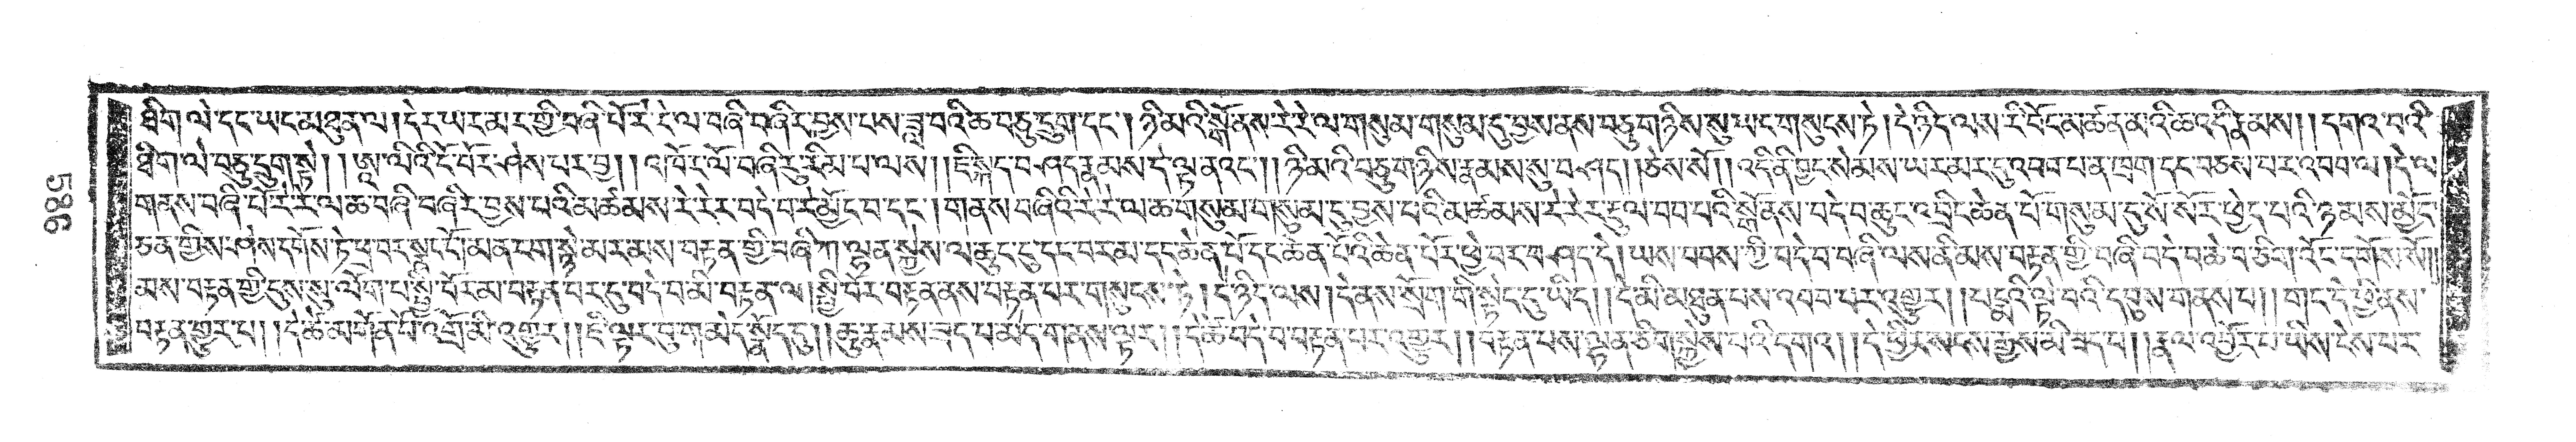ཐིག་ལེ་དང་ཡང་མཐུན་ལ། དེར་ཡར་མར་གྱི་བཞི་པོ་རེ་རེ་ལ་བཞི་བཞིར་བྱས་པས་ཟླ་བའི་ཆ་བཅུ་དྲུག་དང་། ཉི་མའི་སྒོ་ནས་རེ་རེ་ལ་གསུམ་གསུམ་དུ་བྱས་ནས་བཅུ་གཉིས་སུ་ཡང་གསུངས་ཏེ། དེ་ཉིད་ལས་རི་བོང་མཚན་མའི་ཆ་འདི་རྣམས། །དགའ་བའི་
ཐིག་ལེ་བཅུ་དྲུག་སྟེ། །ཨཱ་ལིའི་ངོ་བོར་ཤེས་པར་བྱ། །འཁོར་ལོ་བཞི་རུ་རིམ་པ་ལས། །ཇི་སྐད་བཤད་རྣམས་དེ་ལྟ་ནའང་། །ཉི་མའི་བཅུ་གཉིས་རྣམས་སུ་བཤད། །ཅེས་སོ། །འདི་ནི་བྱང་སེམས་ཡར་མར་དུ་འབབ་པ་ན་ཁྲག་དང་བཅས་པར་འབབ་ལ། དེ་ལ་
གནས་བཞི་པོ་རེ་རེ་ལ་ཆ་བཞི་བཞིར་བྱས་པའི་མཚམས་རེ་རེར་བདེ་བ་རེ་མྱོང་བ་དང་། གནས་བཞིའི་རེ་རེ་ལ་ཆ་གསུམ་གསུམ་དུ་བྱས་པའི་མཚམས་རེ་རེར་རྡུལ་བབ་པའི་སྒོ་ནས་བདེ་བ་ཆུང་འབྲིང་ཆེན་པོ་གསུམ་དུ་སོ་སོར་ཕྱེད་པའི་ཉམས་མྱོང་
ཅན་གྱིས་ཤེས་དགོས་ཏེ་ཕྲ་བར་སྣང་ངོ། མན་ངག་སྙེ་མར་མས་བརྟན་གྱི་བཞི་ཀ་ལྷན་སྐྱེས་ལ་ཆུང་ངུ་དང་བར་མ་དང་ཆེན་པོ་དང་ཆེན་པོའི་ཆེན་པོར་ཕྱེ་བར་བཤད་དེ། ཡས་བབས་ཀྱི་བདེ་བ་བཞི་ལས་ནི་མས་བརྟན་གྱི་བཞི་བདེ་བ་ཆེ་བ་ཅིག་འོང་དགོས་སོ། །
མས་བརྟན་གྱི་དུས་སུ་ལོག་པ་སྤྱི་བོར་མ་བརྟན་བར་དུ་བདེ་བ་མི་བརྟན་ལ། སྤྱི་བོར་བརྟན་ནས་བརྟན་པར་གསུངས་ཏེ། དེ་ཉིད་ལས། དེ་ནས་སྲོག་གི་སྟེང་དུ་ཡིད། །དེ་མི་མཐུན་པས་འབབ་པར་འགྱུར། །པདམའི་ལྟེ་བའི་དབུས་གནས་པ། །གང་དེ་ཕྱི་ནས་
བརྟན་གྱུར་པ། །དེ་ཚེ་མགོན་པོ་འགྲོ་མི་འགྱུར། །ཇི་ལྟར་བུ་ག་མེད་སྣོད་དུ། །ཆུ་རྣམས་ཟད་པ་མེད་གནས་ལྟར། །དེ་ཚེ་བདེ་བ་བརྟན་པར་འགྱུར། །བརྟན་པས་ལྷན་ཅིག་སྐྱེས་པའི་དགའ། །དེ་ཕྱིར་སངས་རྒྱས་མི་ཟད་པ། །རྣལ་འབྱོར་པ་ཡིས་ངེས་པར་